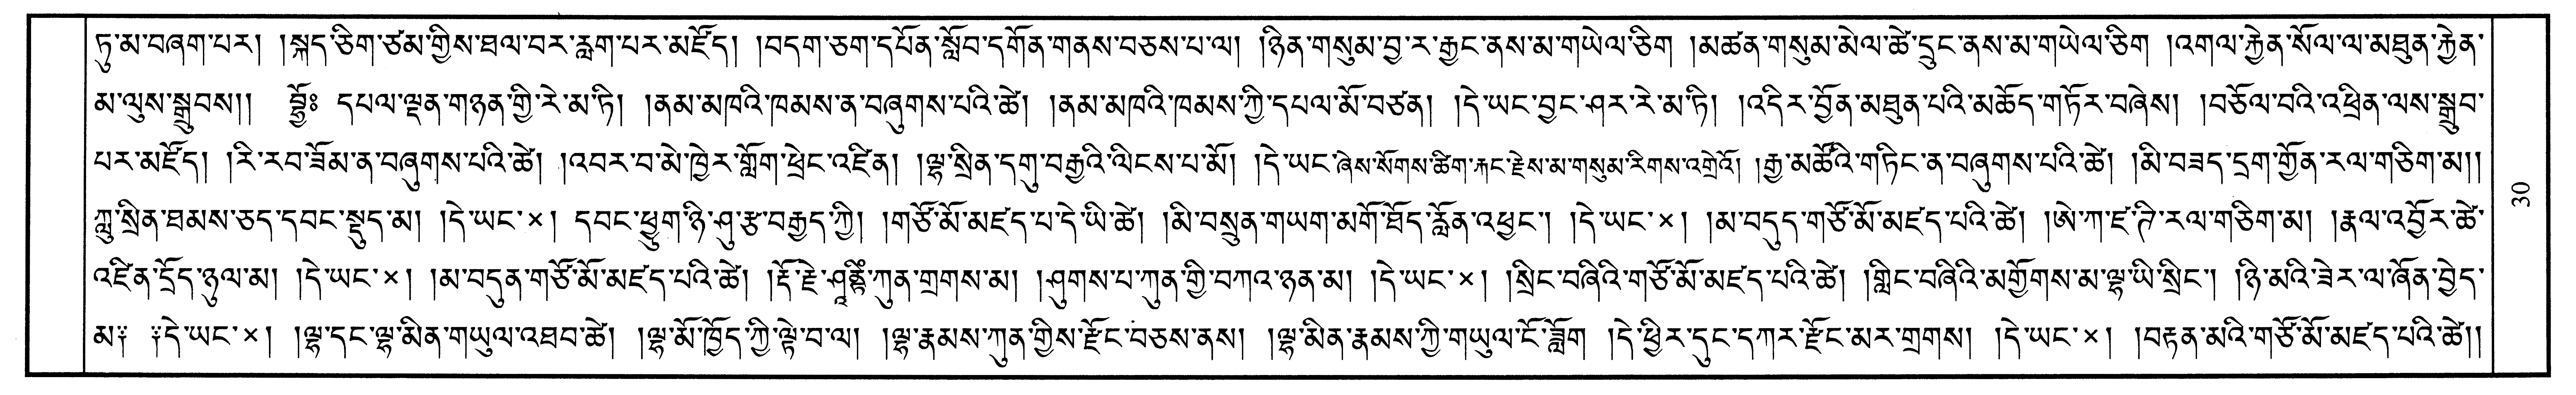ཏུ་མ་བཞག་པར། །སྐད་ཅིག་ཙམ་གྱིས་ཐལ་བར་རླག་པར་མཛོད། །བདག་ཅག་དཔོན་སློབ་དགོན་གནས་བཅས་པ་ལ། །ཉིན་གསུམ་བྱ་ར་རྒྱང་ནས་མ་གཡེལ་ཅིག །མཚན་གསུམ་མེལ་ཚེ་དྲུང་ནས་མ་གཡེལ་ཅིག །འགལ་རྐྱེན་སོལ་ལ་མཐུན་རྐྱེན་
མ་ལུས་སྒྲུབས།། བྷྱོཿ དཔལ་ལྡན་གཉན་གྱི་རེ་མ་ཏི། །ནམ་མཁའི་ཁམས་ན་བཞུགས་པའི་ཚེ། །ནམ་མཁའི་ཁམས་ཀྱི་དཔལ་མོ་བཙན། །དེ་ཡང་བྱང་ཤར་རེ་མ་ཏི། །འདིར་བྱོན་མཐུན་པའི་མཆོད་གཏོར་བཞེས། །བཅོལ་བའི་འཕྲིན་ལས་སྒྲུབ་
པར་མཛོད། །རི་རབ་ཟོམ་ན་བཞུགས་པའི་ཚེ། །འབར་བ་མེ་ཁྱེར་གློག་ཕྲེང་འཛིན། །ལྷ་སྲིན་དགུ་བརྒྱའི་ལིངས་པ་མོ། །དེ་ཡང་ཞེས་སོགས་ཚིག་རྐང་རྗེས་མ་གསུམ་རིགས་འགྲེའོ། །རྒྱ་མཚོའི་གཏིང་ན་བཞུགས་པའི་ཚེ། །མི་བཟད་དྲག་གྱོན་རལ་གཅིག་མ།།
ཀླུ་སྲིན་ཐམས་ཅད་དབང་སྡུད་མ། །དེ་ཡང་྾། དབང་ཕྱུག་ཉི་ཤུ་རྩ་བརྒྱད་ཀྱི། །གཙོ་མོ་མཛད་པ་དེ་ཡི་ཚེ། །མི་བསྲུང་གཡག་མགོ་ཐོད་རློན་འཕྱང་། །དེ་ཡང་྾། །མ་བདུད་གཙོ་མོ་མཛད་པའི་ཚེ། །ཨེ་ཀ་ཛ་ཊི་རལ་གཅིག་མ། །རྣལ་འབྱོར་ཚེ་
འཛིན་དྲོད་ཉུལ་མ། །དེ་ཡང་྾། །མ་བདུན་གཙོ་མོ་མཛད་པའི་ཚེ། །རྡོ་རྗེ་ཤཱནྟི་ཀུན་གྲགས་མ། །ཤུགས་པ་ཀུན་གྱི་བཀའ་ཉན་མ། །དེ་ཡང་྾། །སྲིང་བཞིའི་གཙོ་མོ་མཛད་པའི་ཚེ། །གླིང་བཞིའི་མགྱོགས་མ་ལྷ་ཡི་སྲིང་། །ཉི་མའི་ཟེར་ལ་ཞོན་བྱེད་
མ༑ ༑དེ་ཡང་྾། །ལྷ་དང་ལྷ་མིན་གཡུལ་འཐབ་ཚེ། །ལྷ་མོ་ཁྱོད་ཀྱི་ལྟེ་བ་ལ། །ལྷ་རྣམས་ཀུན་གྱིས་རྫོང་བཅས་ནས། །ལྷ་མིན་རྣམས་ཀྱི་གཡུལ་ངོ་ཟློག །དེ་ཕྱིར་དུང་དཀར་རྫོང་མར་གྲགས། །དེ་ཡང་྾། །བརྟན་མའི་གཙོ་མོ་མཛད་པའི་ཚེ།།